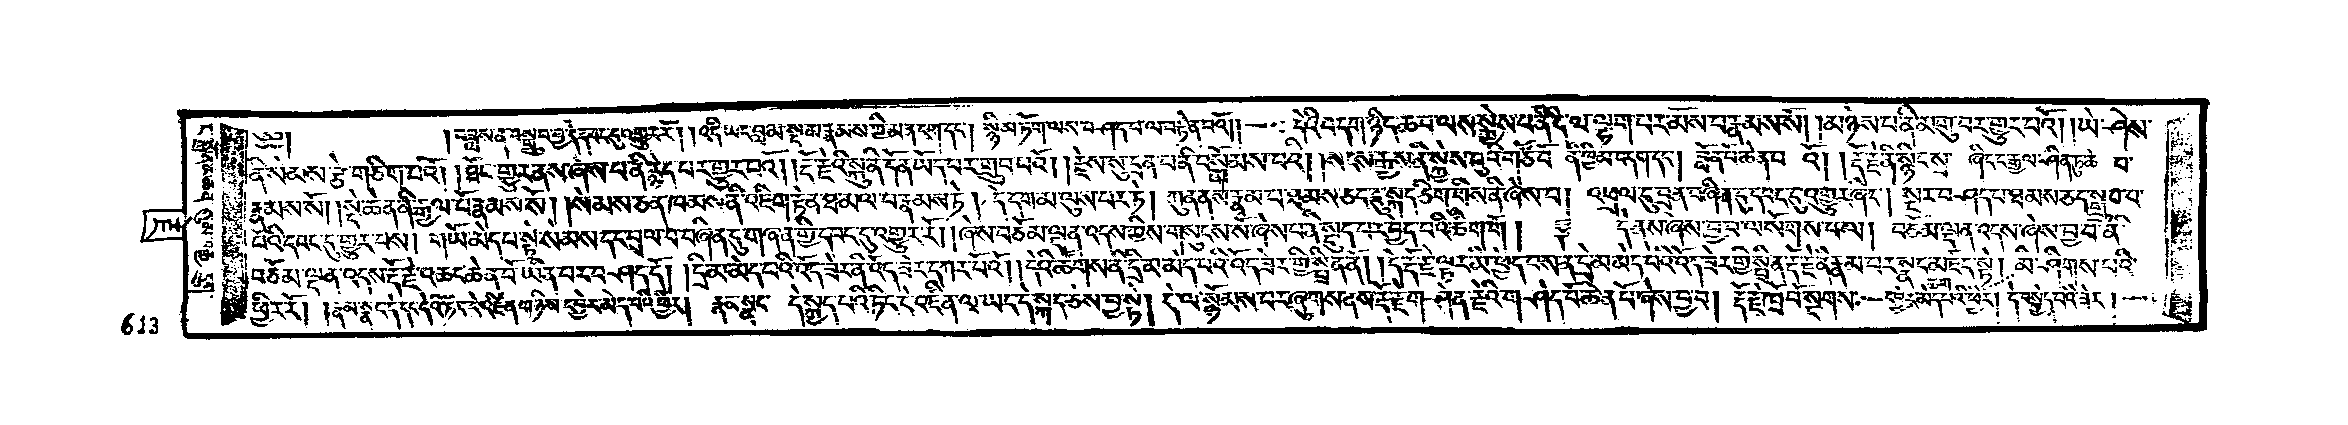༄༅། ། བཟླས་ན་བསྒྲུབ་བྱ་དེ་དབང་དུ་འགྱུར་རོ། །འདི་ཡང་བླ་མ་སྔ་མ་རྣམས་ཀྱི་མན་ངག་དང་། སྙིམ་ཏོག་ལས་བཤད་པ་ལ་བརྟེན་པའོ།།  .Hདེའི་བདག་ཉིད་ཆེ་བ་ལས་སྐྱེས་པ་ནི་དེ་ལ་ལྷག་པར་མོས་པ་རྣམས་སོ། །མཉེས་པ་ནི་མགུ་བར་གྱུར་བའོ། །ཡེ་ཤེས་
ནི་སེམས་རྩེ་གཅིག་པའོ། །ཐོབ་གྱུར་ནས་ཞེས་པ་ནི་རྙེད་པར་གྱུར་པའོ། །རྡོ་རྗེའི་སྐུ་ནི་དོན་ཡོད་པར་གྲུབ་པའོ། །རྗེས་སུ་དྲན་པ་ནི་བསྒོམས་པའོ། །སངས་རྒྱས་ནི་སྐྱེས་བུའི་གཙོ་བོ་ནི་ཁྱིམ་བདག་དང་། བློན་པོ་ཆེན་པོའོ། །རྡོ་རྗེ་ནི་སྙིང་སྲ་ཞིང་ང་རྒྱལ་ཤིན་ཏུ་ཆེ་བ་
རྣམས་སོ། །སྡེ་ཆེན་ནི་རྒྱལ་པོ་རྣམས་སོ། །སེམས་ཅན་ཁམས་ནི་འཇིག་རྟེན་ཐ་མལ་པ་རྣམས་ཏེ། དེ་དག་མ་ལུས་པར་ཏེ། ཀུན་ནས་རྣམ་པ་ཐམས་ཅད་དུ་སྐད་ཅིག་གིས་ནི་ཞེས་པ། འཕྲལ་དུ་བྲན་བཞིན་དུ་དབང་དུ་འགྱུར་ཞིང་། སྔར་བཤད་པ་ཐམས་ཅད་སྒྲུབ་པ་
པོའི་དབང་དུ་གྱུར་པས། གཡོ་མེད་པ་སྟེ་སེམས་དང་བྲལ་བ་བཞིན་དུ་གཞན་གྱི་དབང་དུ་འགྱུར་རོ། །ཞེས་བཅོམ་ལྡན་འདས་ཀྱིས་གསུངས་སོ་ཞེས་པ་ནི་སྡུད་པར་བྱེད་པའི་ཚིག་གོ ། ༈ དེ་ནས་ཞེས་བྱ་བ་ལ་སོགས་པ་ལ། བཅོམ་ལྡན་འདས་ཞེས་བྱ་བ་ནི་
བཅོམ་ལྡན་འདས་རྡོ་རྗེ་འཆང་ཆེན་པོ་ཡིན་པར་བཤད་དོ། །དྲི་མ་མེད་པའི་འོད་ཟེར་ནི་འོད་ཟེར་དཀར་པོའོ། །དེའི་ཚོགས་ནི་དྲི་མ་མེད་པའི་འོད་ཟེར་གྱི་སྤྲིན་ནོ། །དེ་རྡོ་རྗེ་ལྟར་མི་ཕྱེད་པས་ན་དྲི་མ་མེད་པའི་འོད་ཟེར་གྱི་སྤྲིན་རྡོ་རྗེ་ནི་རྣམ་པར་སྣང་མཛད་སྟེ། མི་ཤིགས་པའི་
ཕྱིར་རོ། །རྣམ་སྣང་དེ་དང་དེའི་ཏིང་ངེ་འཛིན་གཉིས་དབྱེར་མེད་པའི་ཕྱིར། རྣམ་སྣང་དེ་སྐྱེད་པའི་ཏིང་ངེ་འཛིན་ལ་ཡང་དེ་སྐད་ཅེས་བྱ་སྟེ། དེ་ལ་སྙོམས་པར་ཞུགས་ནས་རྡོ་རྗེ་གཤིན་རྗེའི་གཤེད་པོ་ཆེན་པོ་ཞེས་བྱ་བ། རྡོ་རྗེ་ཁྲོ་བོ་སྔགསཿ་དབྱེར་མེད་ཆག་པའི་ཕྱིར། དེ་བསྐྱེད་པའི་ཟེར།  .H